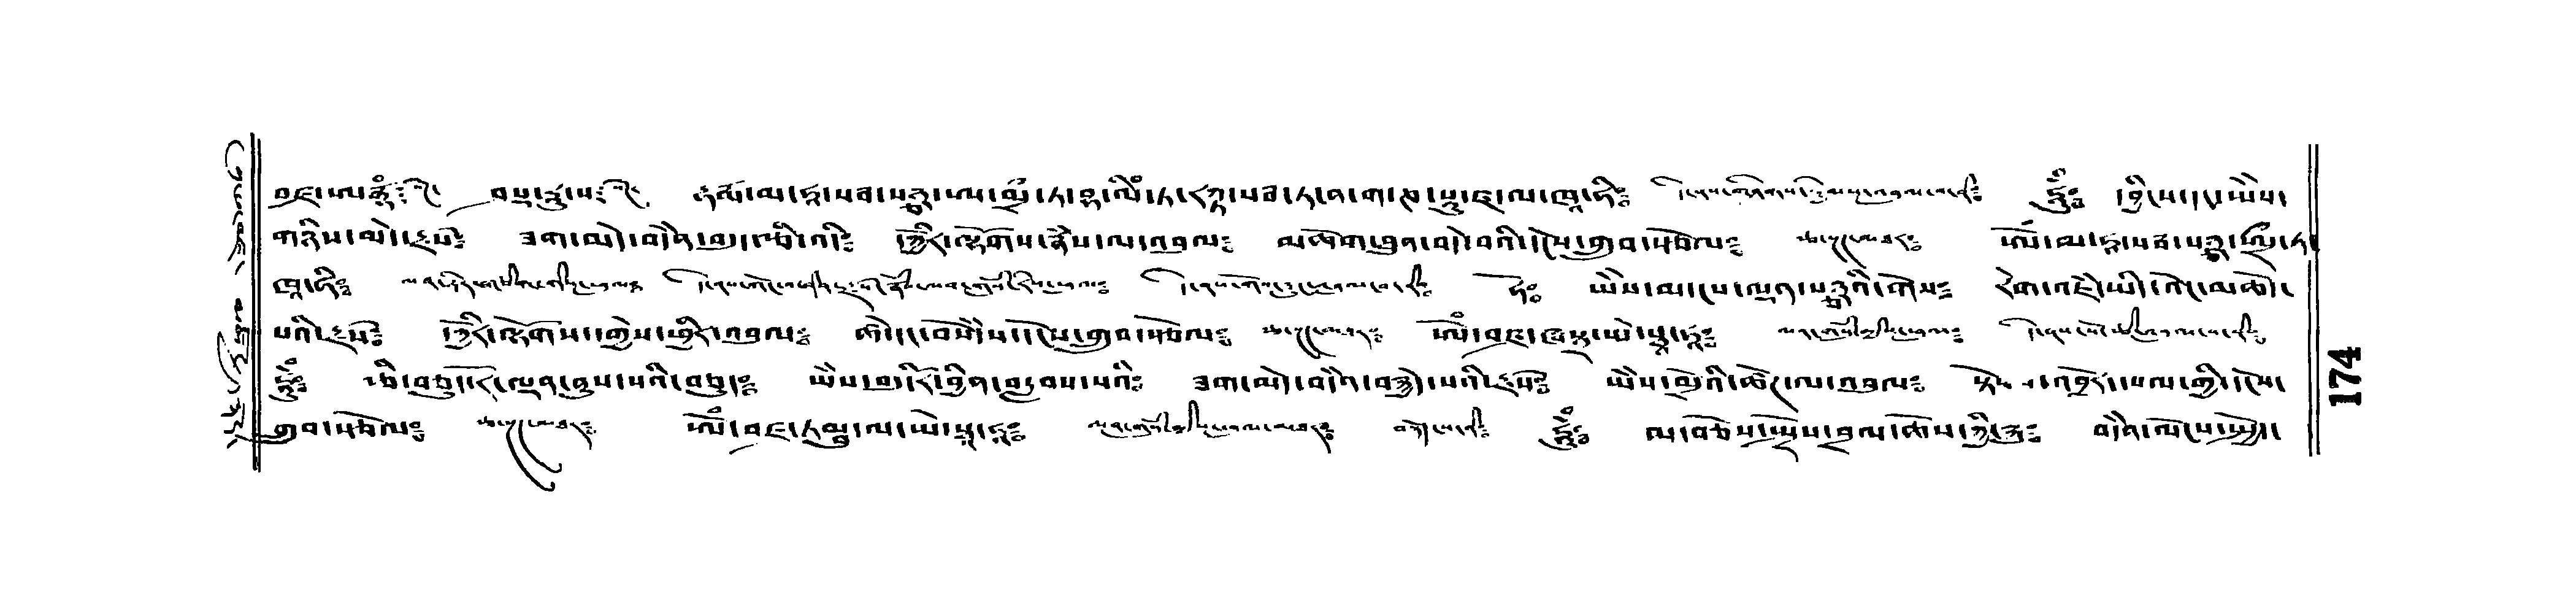བཛྲ་ཨརྒྷཾ་སོགས༔ ཤཔྡ་རཱུ་པ་སོགས༔ དྷརྨ་མ་ཧཱ་སརྦ་པཉྩ་ཨ་མྲྀ་ཏ་བྷ་ལིཾ་ཏ་རཀྟ་སརྦ་ཏ་ན་ག་ཎ་པཱུ་ཛ་ལ་ཁཱ་ཧིཿ དེ་ནས་གཤེགས་སྐྱེམས་འབུལ་བ་ནི༔ ཧཱུྃ༔ དབྱིངས་དང་ཡེ་ཤེས་
གཉིས་མེད་རྫས༔ ཟག་མེད་བདེ་ཆེན་བདུད་རྩི་འདི༔ དཀྱིལ་འཁོར་ལྷ་ཚོགས་རྣམས་ལ་འབུལ༔ མཆོག་ཐུན་བདེ་བའི་དངོས་གྲུབ་སྩོལ༔ རྩ་སྔགས་མཐར༔ ཨོཾ་མ་ཧ་སརྦ་པཉྩ་ཨ་མྲྀ་ཏ་
ཁཱ་ཧིཿ ལན་ཉེར་གཅིག་གིས་ཕུལ༔ དེ་ནས་གོང་བཞིན་རྫས་རྣམས་ལན་གསུམ་རེས་ཕུལ༔ དེ་ནས་གོས་ཟུང་འབུལ་བ་ནི༔ ཧོཿ ཡེ་ཤེས་མདངས་ལྡན་པཉྩའི་གོས༔ རེག་འཇམ་ཡིད་འོང་མཆོད་
པའི་རྫས༔ དཀྱིལ་འཁོར་ལྷ་ཚོགས་དགྱེས་ཕྱིར་འབུལ༔ ཚེ་དང་བསོད་ནམས་དངོས་གྲུབ་སྩོལ༔ རྩ་སྔགས་མཐར༔ ཨོཾ་བཛྲ་ཝསྟྲ་ཡེ་སྭཱ་ཧཱཿ ལན་གསུམ་གྱིས་ཕུལ༔ དེ་ནས་སོ་རྩི་འབུལ་བ་ནི༔ 
ཧཱུྃཿ རྩི་བཅུད་རོ་ལྡན་ནུས་པའི་བཅུད༔ ཡེ་ཤེས་བདུད་རྩིར་བྱིན་བརླབས་པའི༔ ཟག་མེད་བདེ་ཆེན་བསྐྱེད་པའི་རྫས༔ ཡེ་ཤེས་མཁའ་འགྲོའི་ཚོགས་ལ་འབུལ༔ སྟོབས་འབྱོར་དཔལ་གྱི་དངོས་
གྲུབ་སྩོལ༔ རྩ་སྔགས་མཐར༔ ཨོཾ་བཛྲ་ཏམྦུ་ལ་ཡེ་སྭཱ་ཧཱཿ ལན་གསུམ་གྱིས་ཕུལ་མཐར༔ བསྟོད་པ་ནི༔ ཧཱུྃ༔ མ་བཅོས་སྤྲོས་བྲལ་ཆོས་ཀྱི་སྐུ༔ བདེ་ཆེན་ལོངས་སྤྱོད་